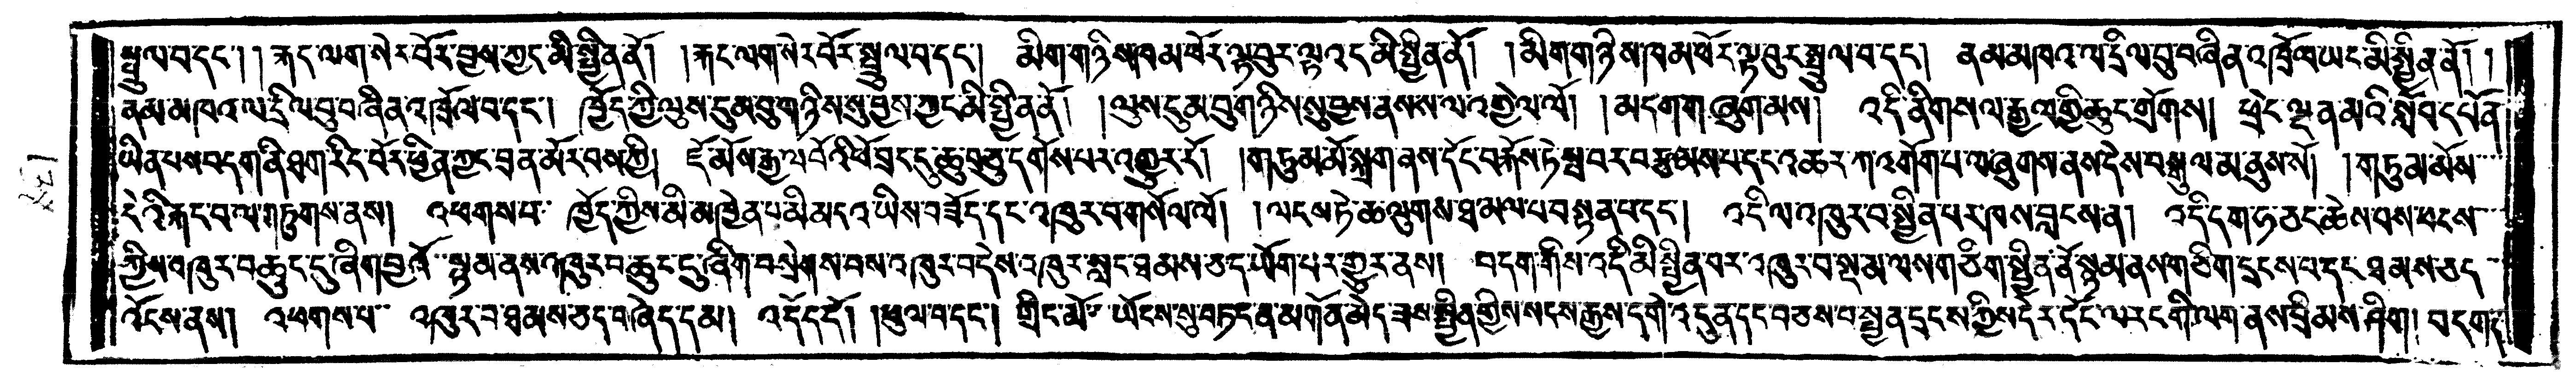སྤྲུལ་བ་དང་། །རྐད་ལག་སེར་བོར་བྱས་ཀྱང་མི་སྦྱིན་ནོ། །རྐང་ལག་སེར་བོར་སྤྲུལ་བ་དང་། མིག་གཉིས་ཁམ་ཕོར་ལྟ་བུར་ལྟའང་མི་སྤྱིན་ནོ། །མིག་གཉིས་ཁམ་ཕོར་ལྟ་བུར་སྤྲུལ་བ་དང་། ནམ་མཁའ་ལ་དྲིལ་བུ་བཞིན་འཁྲོལ་ཡང་མི་སྦྱིན་ནོ། །
ནམ་མཁའ་ལ་དྲིལ་བུ་བཞིན་འཁྲོལ་བ་དང་། ཁྱོད་ཀྱི་ལུས་དུམ་བུ་གཉིས་སུ་བྱས་ཀྱང་མི་སྦྱིན་ནོ། །ལུས་དུམ་བུ་གཉིས་སུ་བྱས་ནས་ས་ལ་འགྱེལ་ལོ། །མདག་གཞུག་མས། འདི་ནི་གསལ་རྒྱལ་གྱི་ཆུང་གྲོགས། ཕེང་ལྡན་མའི་སློབ་དཔོན་
ཡིན་པས་བདག་ནི་ཐག་རིང་བོར་ཕྱིན་ཀྱང་བྲན་མོར་བས་ཀྱི། ཇོ་མོས་རྒྱལ་བོའི་ཕོ་བྲང་དུ་ཆུ་བཅུ་དགོས་པར་འགྱུར་རོ། །གཏུམ་མོ་སྐྲག་ནས་དོང་བརྐོས་ཏེ་སྤ་བར་བརྩམས་པ་དང་འཆར་ཀ་འགོག་པ་ལ་ཞུགས་ནས་དེས་བསྒྲུལ་མ་ནུས་སོ། །གཏུམ་མོས་
དེའི་རྐང་བ་ལ་གཏུགས་ནས། འཕགས་པ༑ ཁྱོད་ཀྱིས་མི་མཁྱེན་པ་མི་མངའ་ཡིས་བཟོད་དང་འཁུར་བ་གསོལ་ལོ། །ལངས་ཏེ་ཆ་ལུགས་ཐ་མལ་པ་བསྟན་པ་དང་། འདི་ལ་འཁུར་བ་སྤྱིན་པར་ཁས་བླངས་ན། འདི་དག་ཧ་ཅང་ཆེས་བས་ཕངས་
ཀྱིས་འཁུར་བ་ཆུང་དུ་ཞིག་བྱའོ་སྙམ་ནས་འཁུར་བ་ཆུང་དུ་ཞིག་བསྲེགས་པས་འཁུར་བདེས་འཁུར་སླང་ཐམས་ཅད་ཡོག་པར་གྱུར་ནས། བདག་གིས་འདི་མི་སྦྱིན་པར་འཁུར་བ་སྔ་མ་ལས་གཅིག་སྤྱིན་ནོ་སྙམ་ནས་གཅིག་དྲངས་པ་དང་ཐམས་ཅད་
འོངས་ནས། འཕགས་པ་འཁུར་བ་ཐམས་ཅད་བཞེད་དམ། འདོད་དོ། །ཕུལ་བ་དང་། གྲིང་མོ༑ ཡོངས་སུ་བཏང་ན་མགོན་མེད་ཟས་སྤྱིན་གྱིས་སངས་རྒྱས་དགེ་འདུན་དང་བཅས་པ་སྤྱན་དྲངས་ཀྱིས་དེར་དོང་ལ་རང་གི་ལག་ནས་བྲིམས་ཤིག། བདག༑